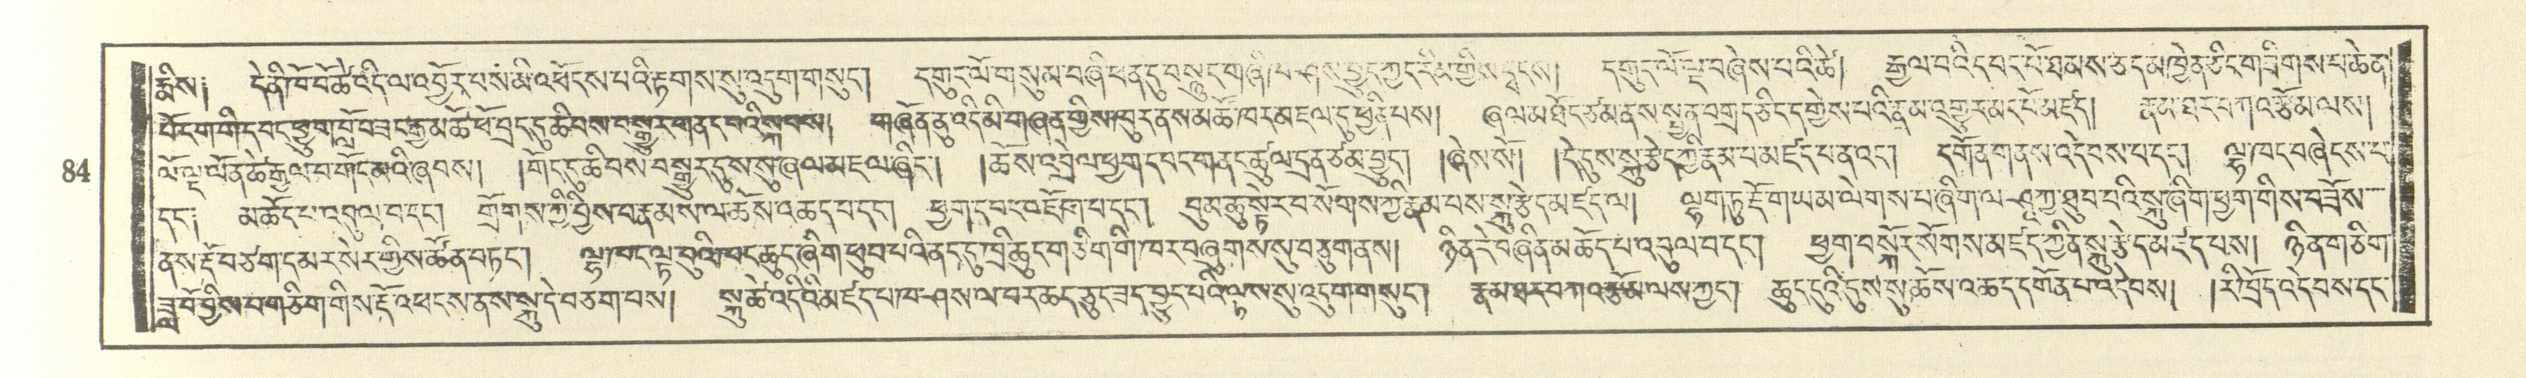རྨིས༑ དེ་ནི་ཁོ་བོ་ཚེ་འདི་ལ་འབྱོར་པས་མི་འཕོངས་པའི་རྟགས་སུ་འདུག་གསུང་། དགུང་ལོ་གསུམ་བཞི་ཕན་དུ་བསྙུང་གཞི་ཁ་ཤས་བྱུང་ཀྱང་རིམ་གྱིས་དྭངས། དགུང་ལོ་ལྔ་བཞེས་པའི་ཚེ། རྒྱལ་བའི་དབང་པོ་ཐམས་ཅད་མཁྱེན་ཅིང་གཟིགས་པ་ཆེན་
པོ་ངག་གི་དབང་ཕྱུག་བློ་བཟང་རྒྱ་མཚོ་ཕོ་བྲང་དུ་ཆིབས་བསྒྱུར་གནང་པའི་སྐབས། གཞོན་ནུ་འདི་མི་གཞན་གྱིས་ཁུར་ནས་མཚོ་ཁར་མཇལ་དུ་ཕྱིན་པས། ཞལ་མཐོང་ཙམ་ནས་སྤྱན་བགྲད་ཅིང་དགྱེས་པའི་རྣམ་འགྱུར་མང་པོ་མཛད། རྣམ་ཐར་བཀའ་རྩོམ་ལས།
ལོ་ལྔ་ལོན་ཚེ་རྒྱལ་བ་གོང་མའི་ཞབས། །གོང་དུ་ཆི་བས་བསྒྱུར་དུས་སུ་ཞལ་མཇལ་ཞིང་། །ཆོས་འབྲེལ་ཕྱག་དབང་གནང་ཚུལ་དྲན་ཙམ་བྱུང་། །ཞེས་སོ། །དེ་དུས་སྐུ་རྩེད་ཀྱི་རྣམ་པ་མཛད་པ་ན་འང་། དགོན་གནས་འདེབས་པ་དང་། ལྷ་ཁང་བཞེངས་པ་
དང༑ མཆོད་པ་འབུལ་བ་དང་། གྲོགས་ཀྱི་བྱིས་པ་རྣམས་ལ་ཆོས་འཆད་པ་དང་། ཕྱག་དབང་འཇོག་པ་དང་། བུམ་ཅུ་སྟེར་བ་སོགས་ཀྱི་རྣམ་པས་སྐུ་རྩེད་མཛད་ལ། ལྷག་ཏུ་རྡོ་གཡམ་ལེགས་པ་ཞིག་ལ་ཤཱཀྱ་ཐུབ་པའི་སྐུ་ཞིག་ཕྱག་གིས་བཟོས་
ནས་རྡོ་བཙག་དམར་སེར་གྱིས་ཚོན་བཏང་། ལྷ་ཁང་ལྟ་བུའི་ཁང་ཆུང་ཞིག་ཕུབ་པའི་ནང་དུ་ཁྲི་ཆུང་གཅིག་གི་ཁར་བཞུགས་སུ་བཅུག་ནས། ཉིན་རེ་བཞིན་མཆོད་པ་འབུལ་བ་དང་། ཕྱག་བསྐོར་སོགས་མཛད་ཀྱིན་སྐུ་རྩེད་མཛད་པས། ཉིན་གཅིག་
ཟླ་བོ་བྱིས་པ་གཅིག་གིས་རྡོ་འཕངས་ནས་སྐུ་དེ་བཅག་པས། སྐུ་ཚེ་འདིའི་མཛད་པ་ཁ་ཤས་ལ་བར་ཆད་ཅུང་ཟད་བྱུང་པའི་ལྟས་སུ་འདུག་གསུང་། རྣམ་ཐར་བཀའ་རྩོམ་ལས་ཀྱང་། ཆུང་དུའི་དུས་སུ་ཆོས་འཆད་དགོན་པ་འདེབས། །རི་ཁྲོད་འདེབས་དང་